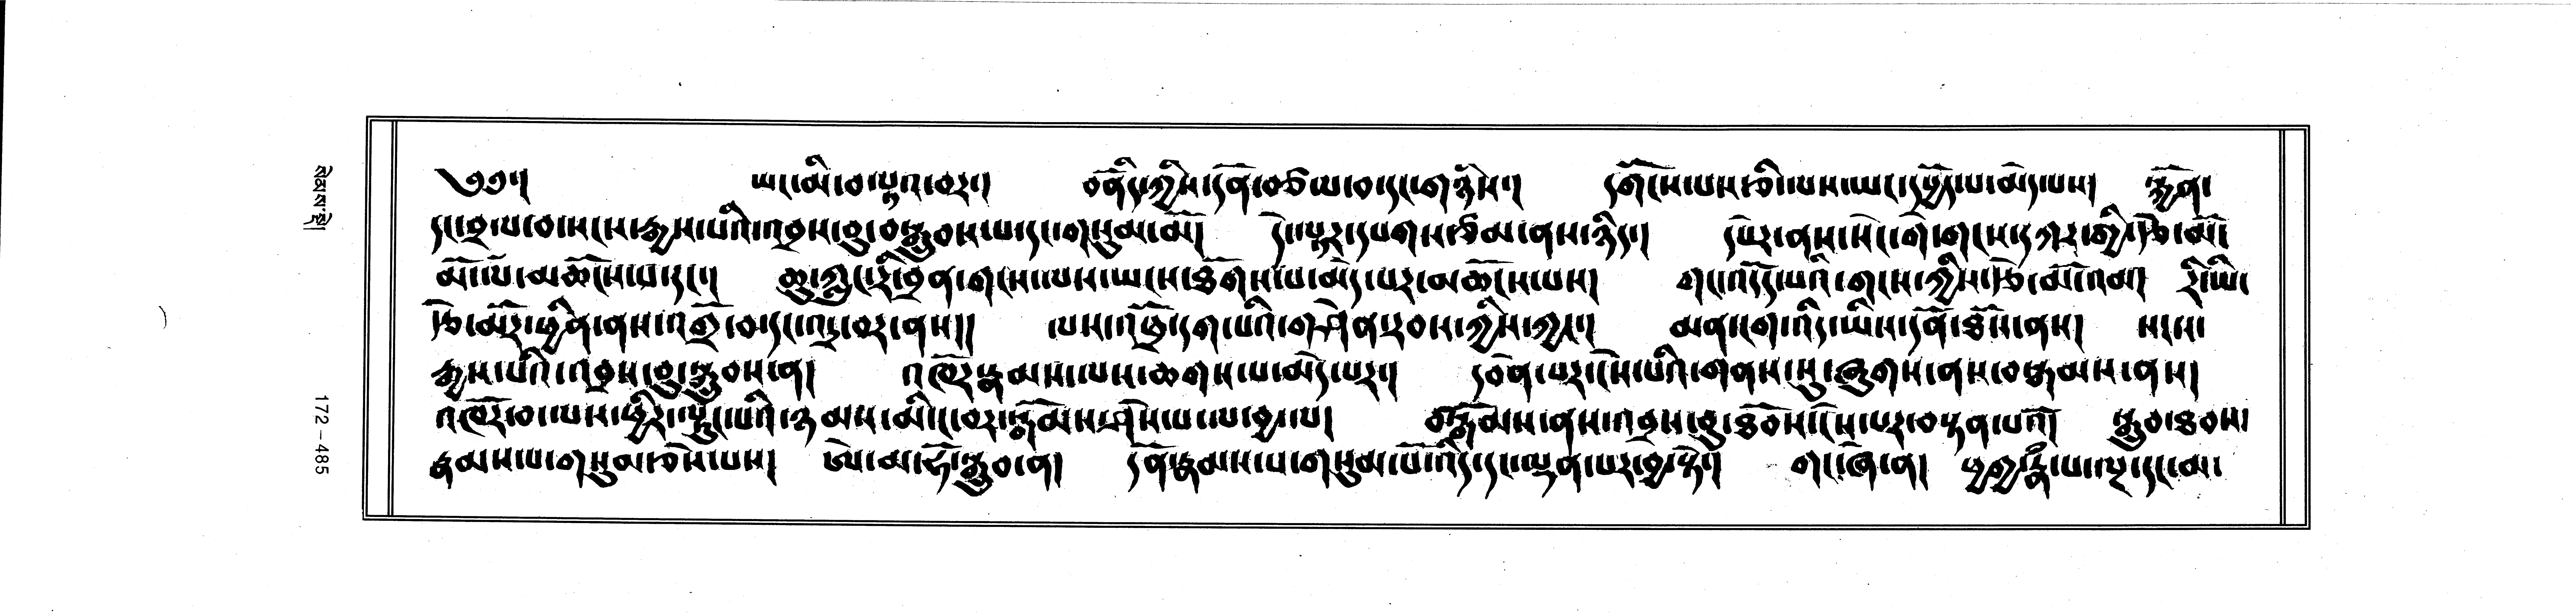ཡང་མི་བལྟའ་བར། བོན་ཉིད་ཀྱིས་དོན་བཙལ་བ་དང་གཉིས། དགོངས་པས་ཅི་ལས་ཡང་དཔྱོད་པ་མེད་པས། སྐྱོན་
དང་བྲལ་བ་སངས་རྒྱས་པའི་འབྲས་བུ་བསྒྲུབས་པ་དང་གསུམ་མོ། དེ་ལྟར་དཔགས་ཙམ་ནས་ཉིད། དཔེར་ནས་སེང་གེ་གངས་དཀར་གྱི་རྩེ་མོ་
མོ་ལ་མཆོངས་པ་དང་། ཆུ་ཀླུང་རི་བྲན་གངས་ལས་ཡང་ཐོགས་མེད་པར་མཆོངས་པས། གང་འདོད་པའི་གངས་ཀྱིས་རྩེ་མོ་འམ། རི་ཡི་
རྩེ་མོར་ཕྱིན་ནས་འགྲོ་བ་དང་འདྲ་བར་ནས། ལས་འཕྲོ་དག་པའི་གཤེན་རབ་ཀྱིས་ཀྱང་། མན་ངག་འདི་ཡིས་དོན་ཐོས་ནས། སངས་
རྒྱས་པའི་འབྲས་བུ་སྒྲུབས་ན། འཁོར་རྣམས་ལས་ཆགས་པ་མེད་པར། དབེན་པར་ངེས་པའི་གནས་སུ་ཞུགས་ནས་བསྒོམས་ནས། 
འཁོར་བ་ལས་ཕྱིར་ལྟུང་པའི་ཉམས་མི་ང་བར་སྒོམས་ཤེས་པ་བྱ་ལ། བསྒོམས་ནས་འབྲས་བུ་ཐོབས་ངེས་པར་བསྟན་པའོ། སྒྲུབ་ཐབས་
རྣམ་པ་གསུམ་ཅེས་པས། ཨེ་མ་ཧོ་སྒྲུབ་ན། དོན་རྣམ་པ་གསུམ་པོ་འདི་དང་ལྡན་པར་བྱ་སྟེ། གང་ཞེ་ན། ཕྱག་རྒྱ་རྣམ་པ་ལྔ་དང་མ་